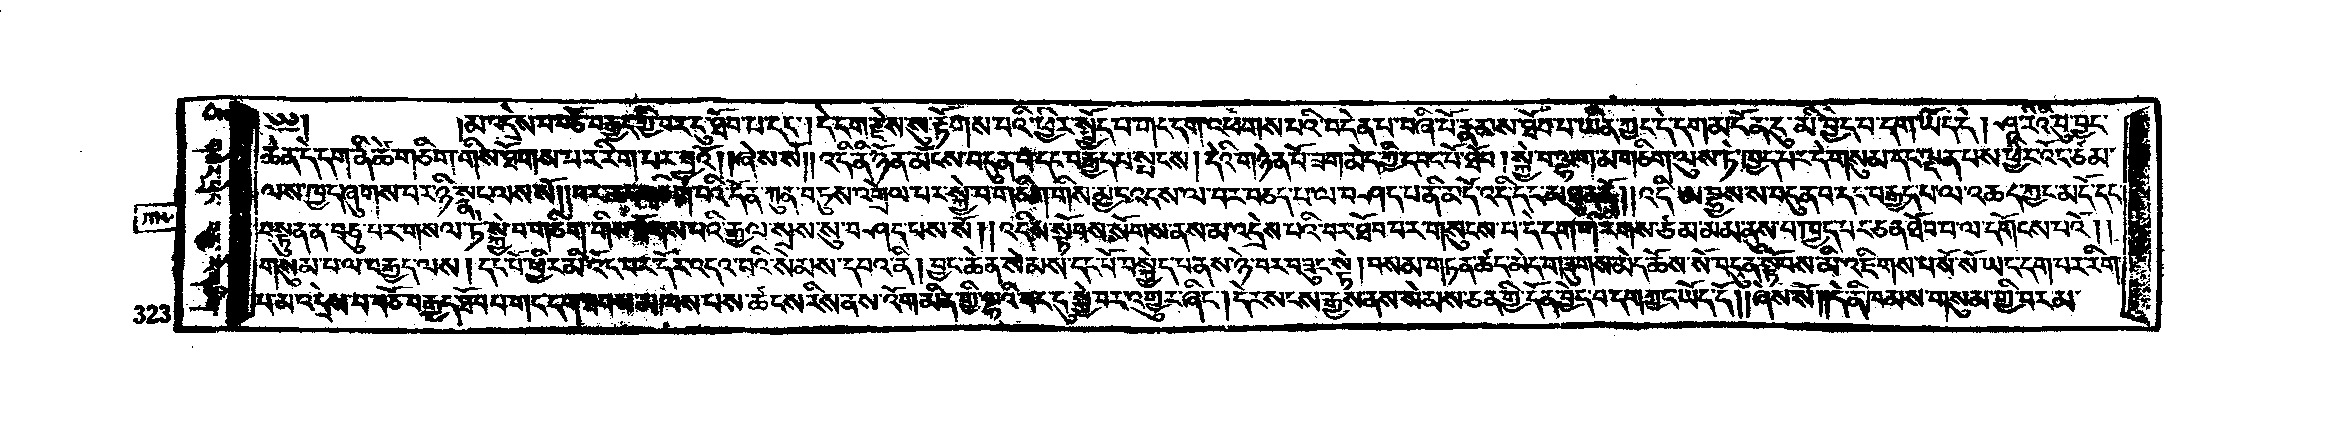༄༅། །མ་འདྲེས་པ་བཅོ་བརྒྱད་ཀྱི་བར་དུ་ཐོབ་པ་དང་། དེ་དག་རྗེས་སུ་རྟོགས་པའི་ཕྱིར་སྤྱོད་པ་གང་དག་འཕགས་པའི་བདེན་པ་བཞི་པོ་རྣམས་ཐོབ་པ་ཡིན་ཀྱང་དེ་དག་མངོན་དུ་མི་བྱེད་པ་དག་ཡོད་དེ། ཤཱ་རིའི་བུ་བྱང་
ཆེན་དེ་དག་ནི་ཚེ་གཅིག་གིས་ཐོགས་པར་རིག་པར་བྱའོ། །ཞེས་སོ། །འདི་ནི་ཉོན་མོངས་བདུན་པ་དང་བརྒྱད་པ་སྤངས། དེའི་གཉེན་པོ་ཟག་མེད་ཀྱི་དབང་པོ་ཐོབ། སྐྱེ་བ་ལྷག་མ་གཅིག་ལུས་ཏེ་ཁྱད་པར་དེ་གསུམ་དང་ལྡན་པས་ཕྱིར་འོང་ཙམ་
ལས་ཁྱད་ཞུགས་པར་ཉི་སྣང་ལས་སོ། །བར་ཆད་གཅིག་པའི་དོན་ཀུན་བཏུས་འགྲེལ་པར་སྐྱེ་བ་གཅིག་གིས་མྱང་འདས་ལ་བར་བཅད་པ་ལ་བཤད་པ་ནི་མདོ་འདི་དང་མཐུན་ནོ། །འདི་ཨ་བྷྱས་ས་བདུན་པ་དང་བརྒྱད་པ་ལ་འཆད་ཀྱང་མདོ་དང་
བསྟུན་ན་བཅུ་པར་གསལ་ཏེ་སྐྱེ་བ་གཅིག་གིས་ཐོགས་པའི་རྒྱལ་སྲས་སུ་བཤད་པས་སོ། །འདིས་སྟོབས་སོགས་ནས་མ་འདྲེས་པའི་བར་ཐོབ་པར་གསུངས་པ་དེ་དག་གི་རིགས་ཙམ་མམ་ནུས་པ་ཁྱད་པར་ཅན་ཐོབ་པ་ལ་དགོངས་པའོ། །
གསུམ་པ་ལ་བརྒྱད་ལས། དང་པོ་ཕྱིར་མི་འོང་བར་དོར་འདའ་བའི་སེམས་དཔའ་ནི། བྱང་ཆེན་སེམས་དང་པོ་བསྐྱེད་པ་ནས་ཉེ་བར་བཟུང་སྟེ། བསམ་གཏན་ཚད་མེད་གཟུགས་མེད་ཆོས་སོ་བདུན་སྟོབས་མི་འཇིགས་པ་སོ་སོ་ཡང་དག་པར་རིག་
པ་མ་འདྲེས་པ་བཅོ་བརྒྱད་ཐོབ་པ་གང་དག་ཐབས་མཁས་པས་ཚངས་རིས་ནས་འོག་མིན་གྱི་ལྷའི་བར་དུ་སྐྱེ་བར་འགྱུར་ཞིང་། དེར་སངས་རྒྱས་ནས་སེམས་ཅན་གྱི་དོན་བྱེད་པ་དག་ཀྱང་ཡོད་དོ། །ཞེས་སོ། །དེ་ནི་ཁམས་གསུམ་གྱི་བར་མ་